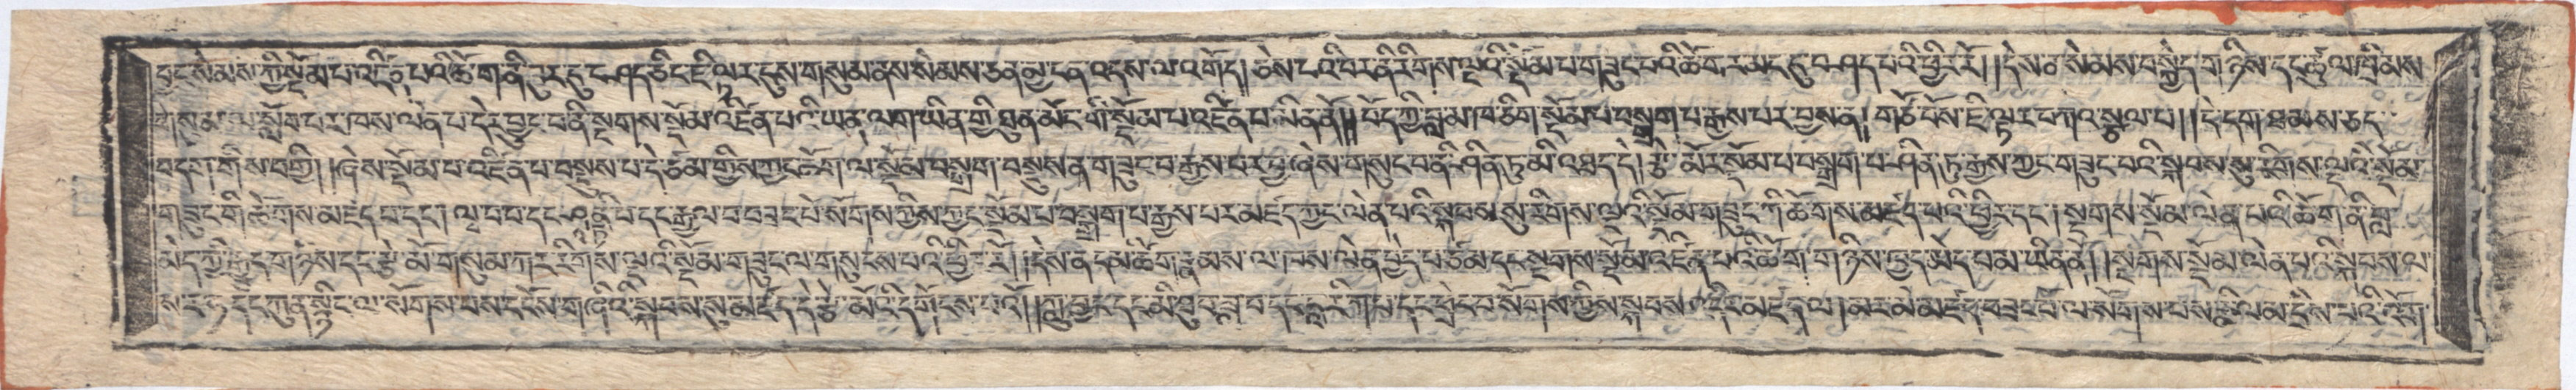བྱང་སེམས་ཀྱི་སྡོམ་པ་འཛིན་པའི་ཆོ་ག་ནི་ཟུར་དུ་བཤད་ཅིང་ཇི་ལྟར་དུས་གསུམ་ནས་སེམས་ཅན་མྱ་ངན་འདས་ལ་འགོད། ཅེས་པའི་བར་ནི་རིགས་ལྔའི་སྡོམ་པ་གཟུང་བའི་ཆོ་གར་མང་དུ་བཤད་པའི་ཕྱིར་རོ། །དེས་ན་སེམས་བསྐྱེད་གཉིས་དང་ཚུལ་ཁྲིམས་
གསུམ་ལ་སློབ་པར་ཁས་ལེན་པ་དེར་བྱུང་བ་ནི་སྔགས་སྡོམ་འཛིན་པའི་ཡན་ལག་ཡིན་གྱི་ཐུན་མོང་གི་སྡོམ་པ་འཛིན་པ་མིན་ནོ། །བོད་ཀྱི་བླ་མ་ཁ་ཅིག་སྡོམ་པ་བསྒྲག་པ་རྒྱས་པར་བྱས་ན། གཙོ་བོས་ཇི་ལྟར་བཀའ་སྩལ་པ། །དེ་དག་ཐམས་ཅད་
བདག་གིས་བགྱི། །ཞེས་སྡོམ་པ་འཛིན་པ་བསྡུས་པ་དེ་ཙམ་གྱིས་ཀྱང་ཆོག་ལ་སྡོམ་བསྒྲག་བསྡུས་ན་གཟུང་བ་རྒྱས་པར་བྱ་ཞེས་གསུང་བ་ནི་ཤིན་ཏུ་མི་འཐད་དེ། རྩེ་མོར་སྡོམ་པ་བསྒྲག་པ་ཤིན་ཏུ་རྒྱས་ཀྱང་གཟུང་བའི་སྐབས་སུ་རིགས་ལྔའི་སྡོམ་
གཟུང་གི་ཆོ་གས་མཛད་པ་དང་། ལྭ་བ་པ་དང་ཤཱནྟི་པ་དང་རྒྱལ་བ་བཟང་པོ་སོགས་ཀྱིས་ཀྱང་སྡོམ་པ་བསྒྲག་པ་རྒྱས་པར་མཛད་ཀྱང་ལེན་པའི་སྐབས་སུ་རིགས་ལྔའི་སྡོམ་གཟུང་གི་ཆོ་གས་མཛད་པའི་ཕྱིར་དང་། སྔགས་སྡོམ་ལེན་པའི་ཆོ་ག་ནི་བླ་
མེད་ཀྱི་རྒྱུད་གཉིས་དང་རྩེ་མོ་གསུམ་ཀར་རིགས་ལྔའི་སྡོམ་གཟུང་ལ་གསུངས་པའི་ཕྱིར་རོ། །དེས་ན་དམ་ཚིག་རྣམས་ལ་ཁས་ལེན་བྱེད་པ་ཙམ་དང་སྔགས་སྡོམ་འཛིན་པའི་ཆོ་ག་གཉིས་ཁྱད་མེད་པ་མ་ཡིན་ནོ། །སྔགས་སྡོམ་ལེན་པའི་སྐབས་ལ་
ས་ར་ཧ་དང་ཀུན་སྙིང་ལ་སོགས་པས་དངོས་གཞིའི་སྐབས་སུ་མཛད་དེ་རྩེ་མོའི་དགོངས་པའོ། །ཀླུ་བྱང་དང་མི་ཐུབ་ཟླ་བ་དང་དཱ་རི་ཀ་པ་དང་ཕྲེང་བ་སོགས་ཀྱིས་སྐབས་འདིར་མཛད་ལ། མར་མེ་མཛད་བཟང་པོ་ལ་སོགས་པས་རྨི་ལམ་དྲིས་པའི་འོག་